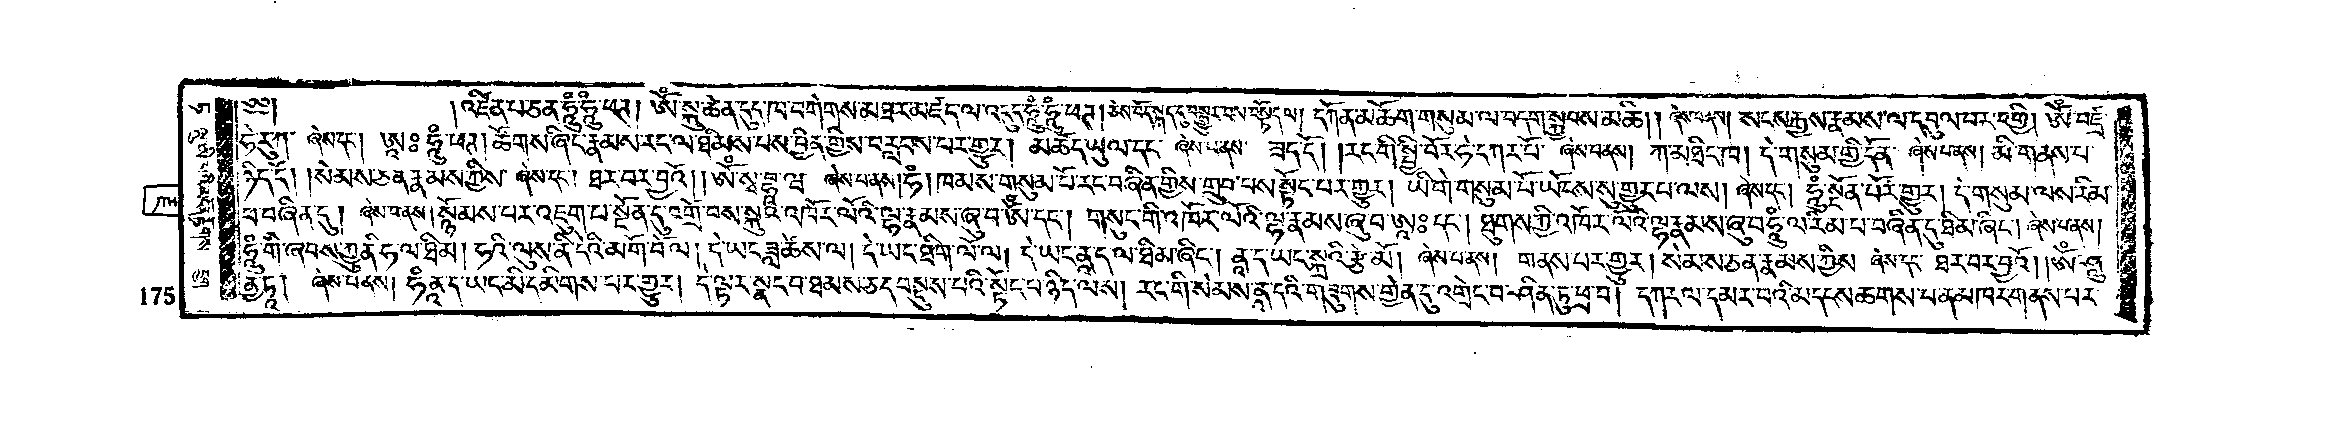༄༅། །འཛིན་པ་ཅན་ཧཱུཾ་ཧཱུཾ་ཕཊ། ཨོཾ་སྐུ་ཆེན་དུད་ཁ་བགེགས་མཐར་མཛད་ལ་འདུད་ཧཱུཾ་ཧཱུཾ་ཕཊ། ཅེས་བོད་སྐད་དུ་བསྒྱུར་བས་བསྟོད་ལ།  དཀོན་མཆོག་གསུམ་ལ་བདག་སྐྱབས་མཆི། ། ཞེས་པ་ནས།  སངས་རྒྱས་རྣམས་ལ་དབུལ་བར་བགྱི། ཨོཾ་བཛྲ་
ཧེ་རུ་ཀ་ཞེས་དང་།  ཨཱཿ ཧཱུཾ་ཕཊ། ཚོགས་ཞིང་རྣམས་རང་ལ་ཐིམས་པས་བྱིན་གྱིས་བརླབས་པར་གྱུར། མཆོད་ཡུལ་དང་ཞེས་པ་ནས་ཟད་དོ། །རང་གི་སྤྱི་བོར་ཧེ་དཀར་པོ་ཞེས་པ་ནས།  ཀ་མཐིང་ཁ། དེ་གསུམ་གྱི་དོན་ཞེས་པ་ནས།  མི་གནས་པ་
ཉིད་དོ། །སེམས་ཅན་རྣམས་ཀྱིས་ཞེས་དང་།  ཐར་བར་བྱའོ། །ཨོཾ་སྭ་བྷཱ་ཝ་ཞེས་པ་ནས།  ཧཾ། ཁམས་གསུམ་པོ་རང་བཞིན་གྱིས་གྲུབ་པས་སྟོང་པར་གྱུར། ཡི་གེ་གསུམ་པོ་ཡོངས་སུ་གྱུར་པ་ལས། ཞེས་དང་།  ཧཱུཾ་སྔོན་པོར་གྱུར། དེ་གསུམ་ལས་རིམ་
པ་བཞིན་དུ། ཞེས་པ་ནས།  སྙོམས་པར་འཇུག་པ་སྔོན་དུ་འགྲོ་བས་སྐུའི་འཁོར་ལོའི་ལྷ་རྣམས་ཞུ་བ་ཨོཾ་དང་། གསུང་གི་འཁོར་ལོའི་ལྷ་རྣམས་ཞུ་བ་ཨཱཿ དང་། ཐུགས་ཀྱི་འཁོར་ལོའི་ལྷ་རྣམས་ཞུ་བ་ཧཱུཾ་ལ་རིམ་པ་བཞིན་དུ་ཐིམ་ཞིང་། ཞེས་པ་ནས།
ཧཱུཾ་གི་ཞབས་ཀྱུ་ནི་ཧ་ལ་ཐིམ། ཧའི་ལུས་ནི་དེའི་མགོ་བོ་ལ། དེ་ཡང་ཟླ་ཚེས་ལ། དེ་ཡང་ཐིག་ལེ་ལ། དེ་ཡང་ནཱ་ད་ལ་ཐིམ་ཞིང་། ནཱ་ད་ཡང་སྐྲའི་རྩེ་མོ། ཞེས་པ་ནས།  གནས་པར་གྱུར། སེམས་ཅན་རྣམས་ཀྱིས་ཞེས་དང་ཐར་བར་བྱའོ། །ཨོཾ་ཤཱུ་
ནྱ་ཏཱ། ཞེས་པ་ནས།  ཧཾ་ནཱ་ད་ཡང་མི་དམིགས་པར་གྱུར། དེ་ལྟར་སྣང་བ་ཐམས་ཅད་བསྡུས་པའི་སྟོང་པ་ཉིད་ལས། རང་གི་སེམས་ནཱ་དའི་གཟུགས་གྱེན་དུ་འགྲེང་བ་ཤིན་ཏུ་ཕྲ་བ། དཀར་ལ་དམར་བའི་མདངས་ཆགས་པ་ནམ་མཁར་གནས་པར་